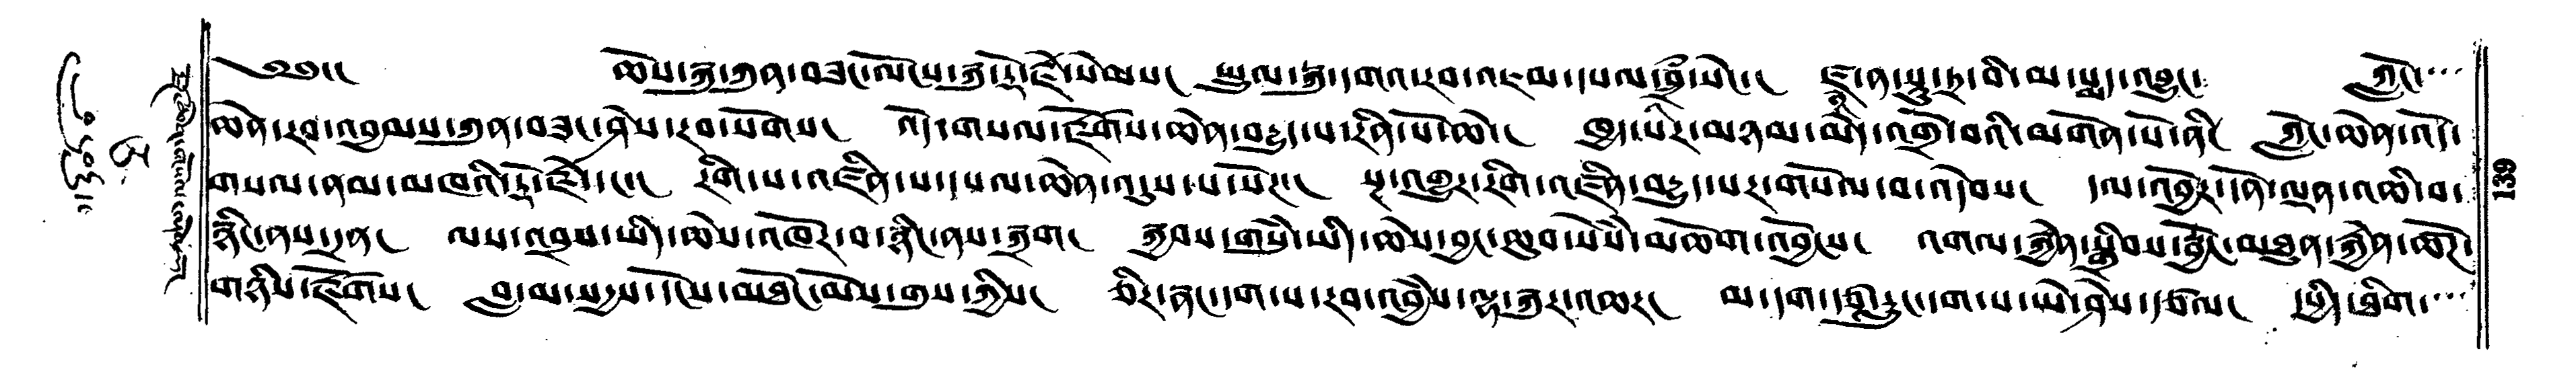༄༅། ཆོས་སྐུ་ཀུན་བཟང་ལོངས་སྐུ་རྡོ་རྗེ་སེམས། །སྤྲུལ་སྐུ་དགའ་རབ་འཇམ་དཔལ་ཤྲཱུ་སེང་། །ཛྙཱ་ན་སཱུ་ཏྲ་བི་མ་པདྨ་འབྱུང་། །ཀློང་
ཆེན་རབ་འབྱམས་ཀུན་བཟང་ཤེས་རབ་སོགས། །འོད་གསལ་རྫོགས་ཆེན་བརྒྱུད་པ་རིན་པོ་ཆེ། ཁྱད་པར་མཉམ་མེད་འགྲོ་བའི་མགོན་པོ་ནི། །ཀློང་ཆེན་འོད་
གསལ་ནམ་མཁའི་རྡོ་རྗེ་དང་། །རིག་པ་འཛིན་པ་དཔལ་ཆེན་འདུས་པ་སོགས། །སྔ་འགྱུར་རིག་འཛིན་བརྒྱུད་པར་གསོལ་བ་འདེབས། །དལ་འབྱོར་དོན་ལྡན་འཆི་བ་
སྙིང་ནས་དྲན། །ལས་འབྲས་ཡིད་ཆེས་འཁོར་བར་སྙིང་ནས་སྐྲག །སྐྱབས་གསུམ་ཡིད་ཆེས་བྱང་ཆུབ་སེམས་མཆོག་འབྱོངས། །འགལ་སྐྱེན་སྒྲིབ་སྦྱངས་མཐུན་རྐྱེན་ཚོགས་
གཉིས་རྫོགས། །བླ་མ་སངས་རྒྱས་དངོས་མཐོང་མོས་གུས་ཀྱིས། །ཅིར་སྣང་དག་པ་རབ་འབྱམས་ལྷ་སྐུར་འཆར། །མ་དག་རྩ་རླུང་དག་པ་ཡེ་ཤེས་རྩལ། །དཔྱིད་ཐིག་